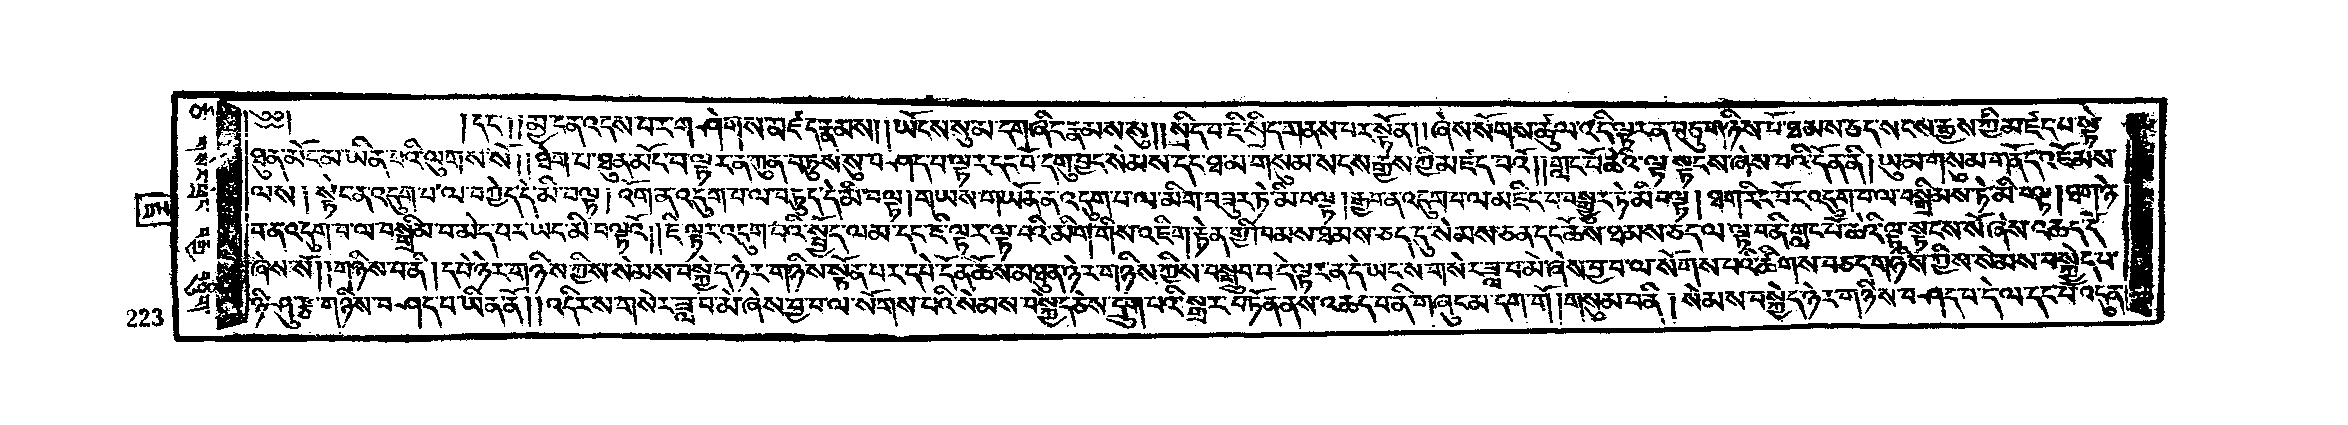༄༅། །དང་། །མྱ་ངན་འདས་པར་གཤེགས་མཛད་རྣམས། །ཡོངས་སུ་མ་དག་ཞིང་རྣམས་སུ། །སྲིད་པ་ཇི་སྲིད་གནས་པར་སྟོན། །ཞེས་སོགས་ཚུལ་འདི་ལྟར་ན་བཅུ་གཉིས་པོ་ཐམས་ཅད་སངས་རྒྱས་ཀྱི་མཛད་པ་སྟེ་
ཐུན་མོང་མ་ཡིན་པའི་ལུགས་སོ། །ཐེག་པ་ཐུན་མོང་བ་ལྟར་ན་ཀུན་བཏུས་སུ་བཤད་པ་ལྟར་དང་པོ་དགུ་བྱང་སེམས་དང་ཐ་མ་གསུམ་སངས་རྒྱས་ཀྱི་མཛད་པའོ། །གླང་པོ་ཆེའི་ལྟ་སྟངས་ཞེས་པའི་དོན་ནི། ཡུམ་གསུམ་གནོད་འཇོམས་
ལས། སྟེང་ན་འདུག་པ་ལ་བཀྱེད་དེ་མི་བལྟ། འོག་ན་འདུག་པ་ལ་བཏུད་དེ་མི་བལྟ། གཡས་གཡོན་ན་འདུག་པ་ལ་མིག་བཟུར་ཏེ་མི་བལྟ། རྒྱབ་ན་འདུག་པ་ལ་མཇིང་པ་བསྒྱུར་ཏེ་མི་བལྟ། ཐག་རིང་པོར་འདུག་པ་ལ་བསྒྲིམས་ཏེ་མི་བལྟ། ཐག་ཉེ་
བ་ན་འདུག་པ་ལ་བསྒྲིམ་པ་མེད་པར་ཡང་མི་བལྟའོ། །ཇི་ལྟར་འདུག་པའི་སྤྱོད་ལམ་དང་ཇི་ལྟར་ལྟ་བའི་མིག་གིས་འཇིག་རྟེན་གྱི་ཁམས་ཐམས་ཅད་དུ་སེམས་ཅན་དང་ཆོས་ཐམས་ཅད་ལ་ལྟ་བ་ནི་གླང་པོ་ཆེའི་ལྟ་སྟངས་སོ་ཞེས་འཆད་དོ་
ཞེས་སོ། །གཉིས་པ་ནི། དཔེ་ཉེར་གཉིས་ཀྱིས་སེམས་བསྐྱེད་ཉེར་གཉིས་སྟོན་པར་དཔེ་དོན་ཆོས་མཐུན་ཉེར་གཉིས་ཀྱིས་བསྒྲུབ་པ་དེ་ལྟར་ན་དེ་ཡང་ས་གསེར་ཟླ་བ་མེ་ཞེས་བྱ་བ་ལ་སོགས་པའི་ཚིགས་བཅད་གཉིས་ཀྱིས་སེམས་བསྐྱེད་པ་
ཉི་ཤུ་རྩ་གཉིས་བཤད་པ་ཡིན་ནོ། །འདིར་ས་གསེར་ཟླ་བ་མེ་ཞེས་བྱ་བ་ལ་སོགས་པའི་སེམས་བསྐྱེད་ཅེས་དྲུག་པའི་སྒྲར་བཏོན་ནས་འཆད་པ་ནི་གཞུང་མ་དག་གོ །གསུམ་པ་ནི། སེམས་བསྐྱེད་ཉེར་གཉིས་བཤད་པ་དེ་ལ་དང་པོ་འདུན་